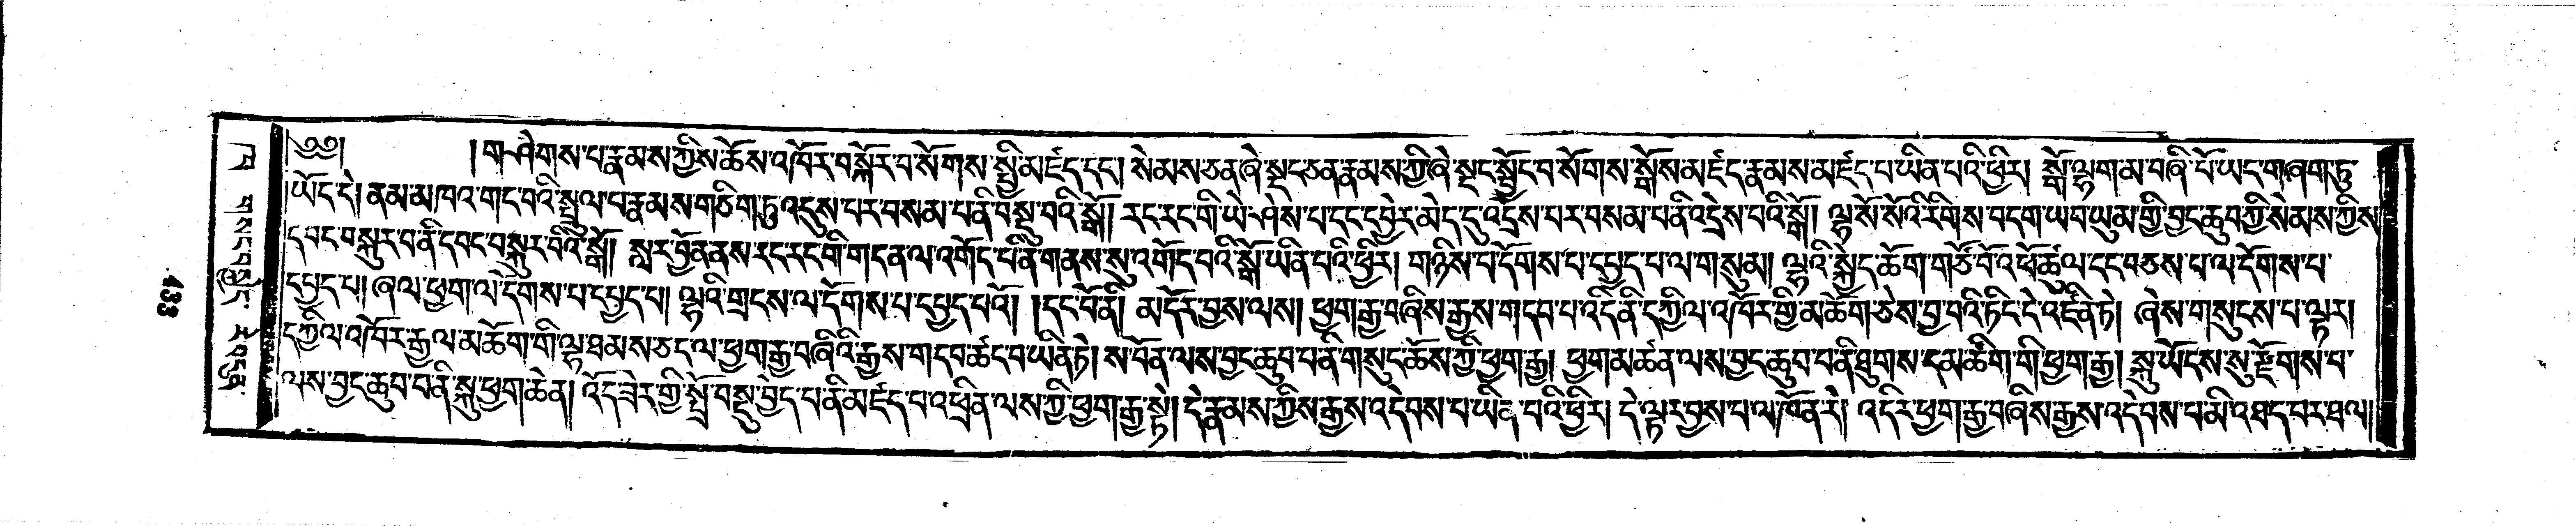༄༅། །གཤེགས་པ་རྣམས་ཀྱིས་ཆོས་འཁོར་བསྐོར་བ་སོགས་སྤྱི་མཛད་དང་། སེམས་ཅན་ཞེ་སྡང་ཅན་རྣམས་ཀྱི་ཞེ་སྡང་སྦྱོང་བ་སོགས་སྒོས་མཛད་རྣམས་མཛད་པ་ཡིན་པའི་ཕྱིར། སྒོ་ལྷག་མ་བཞི་པོ་ཡང་གཞག་ཏུ་
ཡོད་དེ། ནམ་མཁའ་གང་བའི་སྤྲུལ་པ་རྣམས་གཅིག་ཏུ་འདུས་པར་བསམ་པ་ནི་བསྡུ་བའི་སྒོ། རང་རང་གི་ཡེ་ཤེས་པ་དང་དབྱེར་མེད་དུ་འདྲེས་པར་བསམ་པ་ནི་འདྲེས་པའི་སྒོ། ལྷ་སོ་སོའི་རིགས་བདག་ཡབ་ཡུམ་གྱི་བྱང་ཆུབ་ཀྱི་སེམས་ཀྱིས་
དབང་བསྐུར་བ་ནི་དབང་བསྐུར་བའི་སྒོ། སླར་བྱོན་ནས་རང་རང་གི་གདན་ལ་འགོད་པ་ནི་གནས་སུ་འགོད་པའི་སྒོ་ཡིན་པའི་ཕྱིར། གཉིས་པ་དོགས་པ་དཔྱད་པ་ལ་གསུམ། ལྷའི་སྐྱེད་ཆོག་གཙོ་བོ་འཕོ་ཚུལ་དང་བཅས་པ་ལ་དོགས་པ་
དཔྱད་པ། ཞལ་ཕྱག་ལ་དོགས་པ་དཔྱད་པ། ལྷའི་གྲངས་ལ་དོགས་པ་དཔྱད་པའོ། །དང་པོ་ནི། མདོར་བྱས་ལས། ཕྱག་རྒྱ་བཞིས་རྒྱས་གདབ་པ་འདི་ནི་དཀྱིལ་འཁོར་གྱི་མཆོག་ཅེས་བྱ་བའི་ཏིང་ངེ་འཛིན་ཏེ། ཞེས་གསུངས་པ་ལྟར།
དཀྱིལ་འཁོར་རྒྱལ་མཆོག་གི་ལྷ་ཐམས་ཅད་ལ་ཕྱག་རྒྱ་བཞིའི་རྒྱས་གདབ་ཚང་པ་ཡིན་ཏེ། ས་བོན་ལས་བྱང་ཆུབ་པ་ནི་གསུང་ཆོས་ཀྱི་ཕྱག་རྒྱ། ཕྱག་མཚན་ལས་བྱང་ཆུབ་པ་ནི་ཐུགས་དམ་ཚིག་གི་ཕྱག་རྒྱ། སྐུ་ཡོངས་སུ་རྫོགས་པ་
ལས་བྱང་ཆུབ་པ་ནི་སྐུ་ཕྱག་ཆེན། འོད་ཟེར་གྱི་སྤྲོ་བསྡུ་བྱེད་པ་ནི་མཛད་པ་འཕྲིན་ལས་ཀྱི་ཕྱག་རྒྱ་སྟེ། དེ་རྣམས་ཀྱིས་རྒྱས་འདེབས་པ་ཡིན་པའི་ཕྱིར། དེ་ལྟར་བྱས་པ་ལ་ཁོ་ན་རེ། འདིར་ཕྱག་རྒྱ་བཞིས་རྒྱས་འདེབས་པ་མི་འཐད་པར་ཐལ།